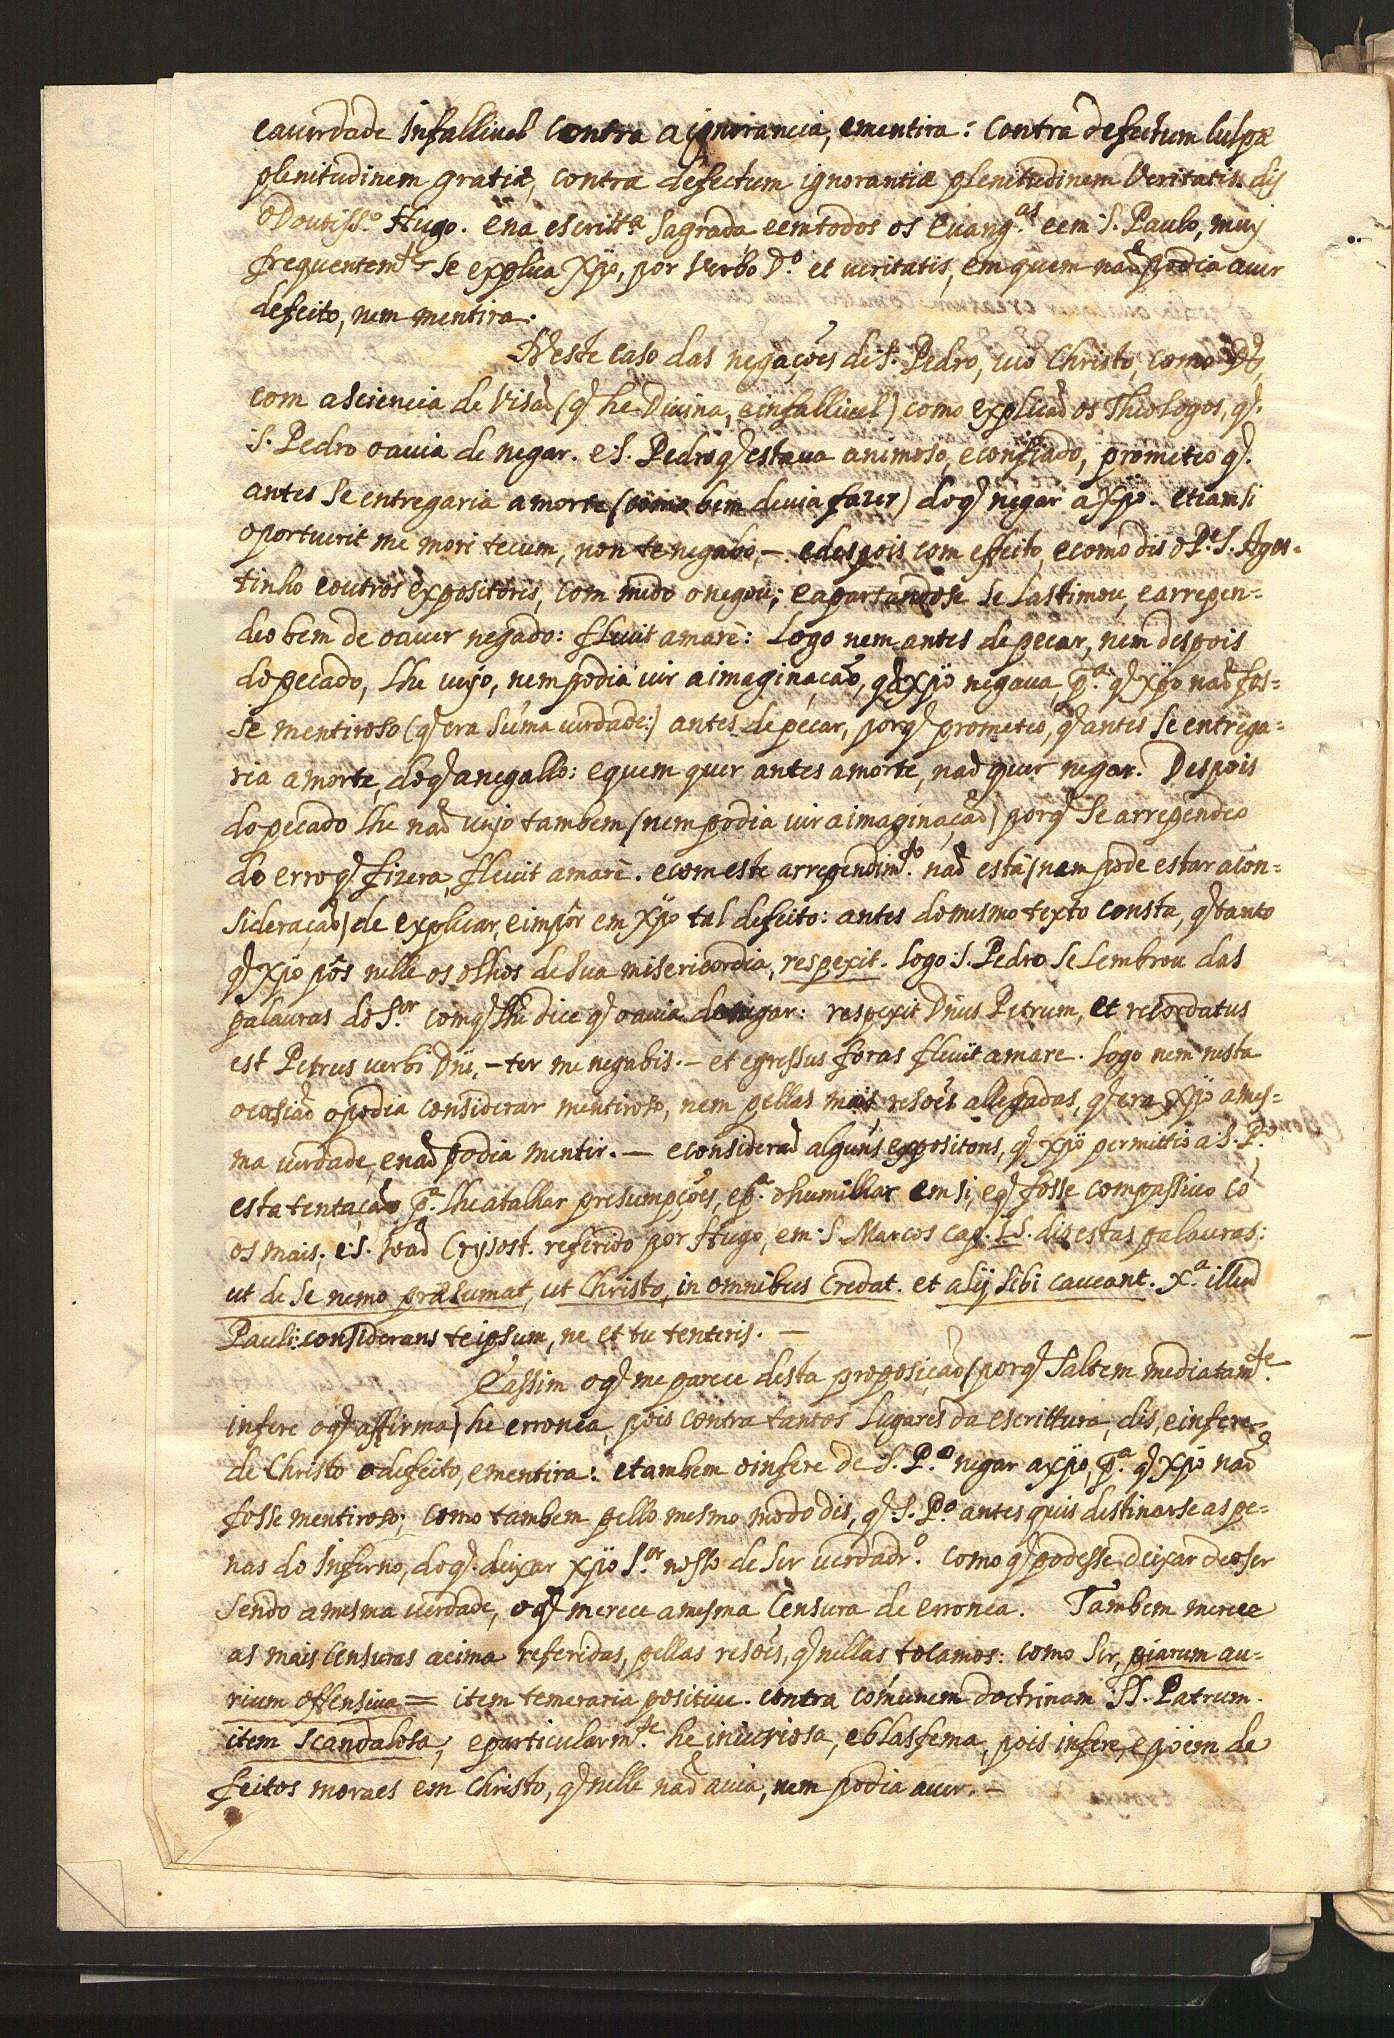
e a uerdade Infalliuel contra a ignorancia, e mentira: contra defectum Culpa
plenitudinem gratiæ, contra defectum ignorantiæ plenitudinem Veritatis. dis
o Doutiss.o Hugo. e na escritt.a Sagrada, e em todos os Euang.os e em S. Paulo, muy
frequentemte se explica xp̄o, por verbo D.o et ueritatis, em quem naõ podia a uir
defeito, nem mentira.
Neste caso das negações de S. Pedro, uio Christo, como Ds̄
com a sciencia de Visaõ, q̄ he Diuina, e infalliuel / como explicão os Theologos, q̄
S. Pedro o auia de negar. e S. Pedro q̄ estaua animoso, e confiado, prometeo q̄.
antes se entregaria a morte (como bem deuia fazer) do q̄ negar a Xp̄o. etiamsi
oportuerit me mori tecum, non te negabo - e despois com effeito, e como dis o P.e S. Agos
tinho e outros expositores, com medo o negou; e apartandose se Lastimou, e arrepen
deo bem de o auer negado: fleuit amare: Logo nem antes de pecar, nem despois
do pecado, lhe ueyo, nem podia uir a imaginaçaõ, qdo xp̄o negaua p.a q̄ xp̄o naõ fos
se mentiroso (q̄ era suma uerdade:) antes de pecar, porq̄ prometeo, q̄ antes se entrega
ria a morte, do q̄ a negallo: e quem quer antes a morte, naõ quer negar. Despois
do pecado lhe naõ ueyo tambem (nem podia uir a imaginaçaõ) porq̄ se arrependeo
do erro q̄ fizera fleuit amarè. e com este arrependim.to naõ está (nam pode estar a con
sideraçaõ) de explicar, e impôr em xp̄o tal defeito: antes do mesmo texto consta, q̄ tanto
q̄ xp̄o pôs nelle os olhos de sua misericordia, respexit. logo S. Pedro se lembrou das
palauras do S.or com q̄ lhe dice q̄ o auia de sugar: respexit Dn̄us Petrum, et recordatus
est Petrus uerbi Dn̄s, - ter me negabis. = et egressus foras fleuit amare. Logo nem nesta
ocasiaõ o podia considerar mentiroso, nem pellas mais, resoẽs allegadas, q̄ era xpō a mes
ma uerdade, e naõ podia mentir. - e consideraõ alguns expositores, q̄ xpō permittio a S. P.o
esta tentação p.a lhe atalhar presumpções, e p.a o humilhar em si, e q̄ fosse compassiuo cō
os mais; e s. Ioaõ Crysost. referido por Hugo, em S Marcos cap. 15. dis estas palauras:
ut de se nemo præsumat, ut Christo in omnibus credat. et alij sibi caueant. x.a illud
Paulus: considerans te ipsum, ne et tu tenteris.
E assim o q̄ me parece desta proposiçaõ (porq̄ saltem mediatam.te
infere o q̄ affirma) he erronea, pois contra tantos Lugares da escrittura, dis, e infere
de Christo o defeito, e mentira: e tambem o infere de S. P.o negar a xp̄o, p.a q̄ xpō naõ
fosse mentiroso; como tambem pello mesmo modo dis, q̄. S. P.o antes quis destinarse as pe
nas do Inferno, do q̄ deixar xp̄o S.or nosso de ser uerdadr.o como q̄ podesse deixar de o ser
sendo a mesma uerdade, o q̄ merece a mesma Censura de erronea. Tambem merece
as mais censuras acima referidas, pellas resoẽs, q̄ nellas tocamos: como ser, piarum au
rium offensiua = item temeraria positiua. contra com̄unem doctrinam SS. Patrum
item scandalosa, e particularm.te he iniuriosa, e blasfema, pois infere, e poem de
feitos moraes em christo, q̄ nelle naõ auia, nem podia auer.
